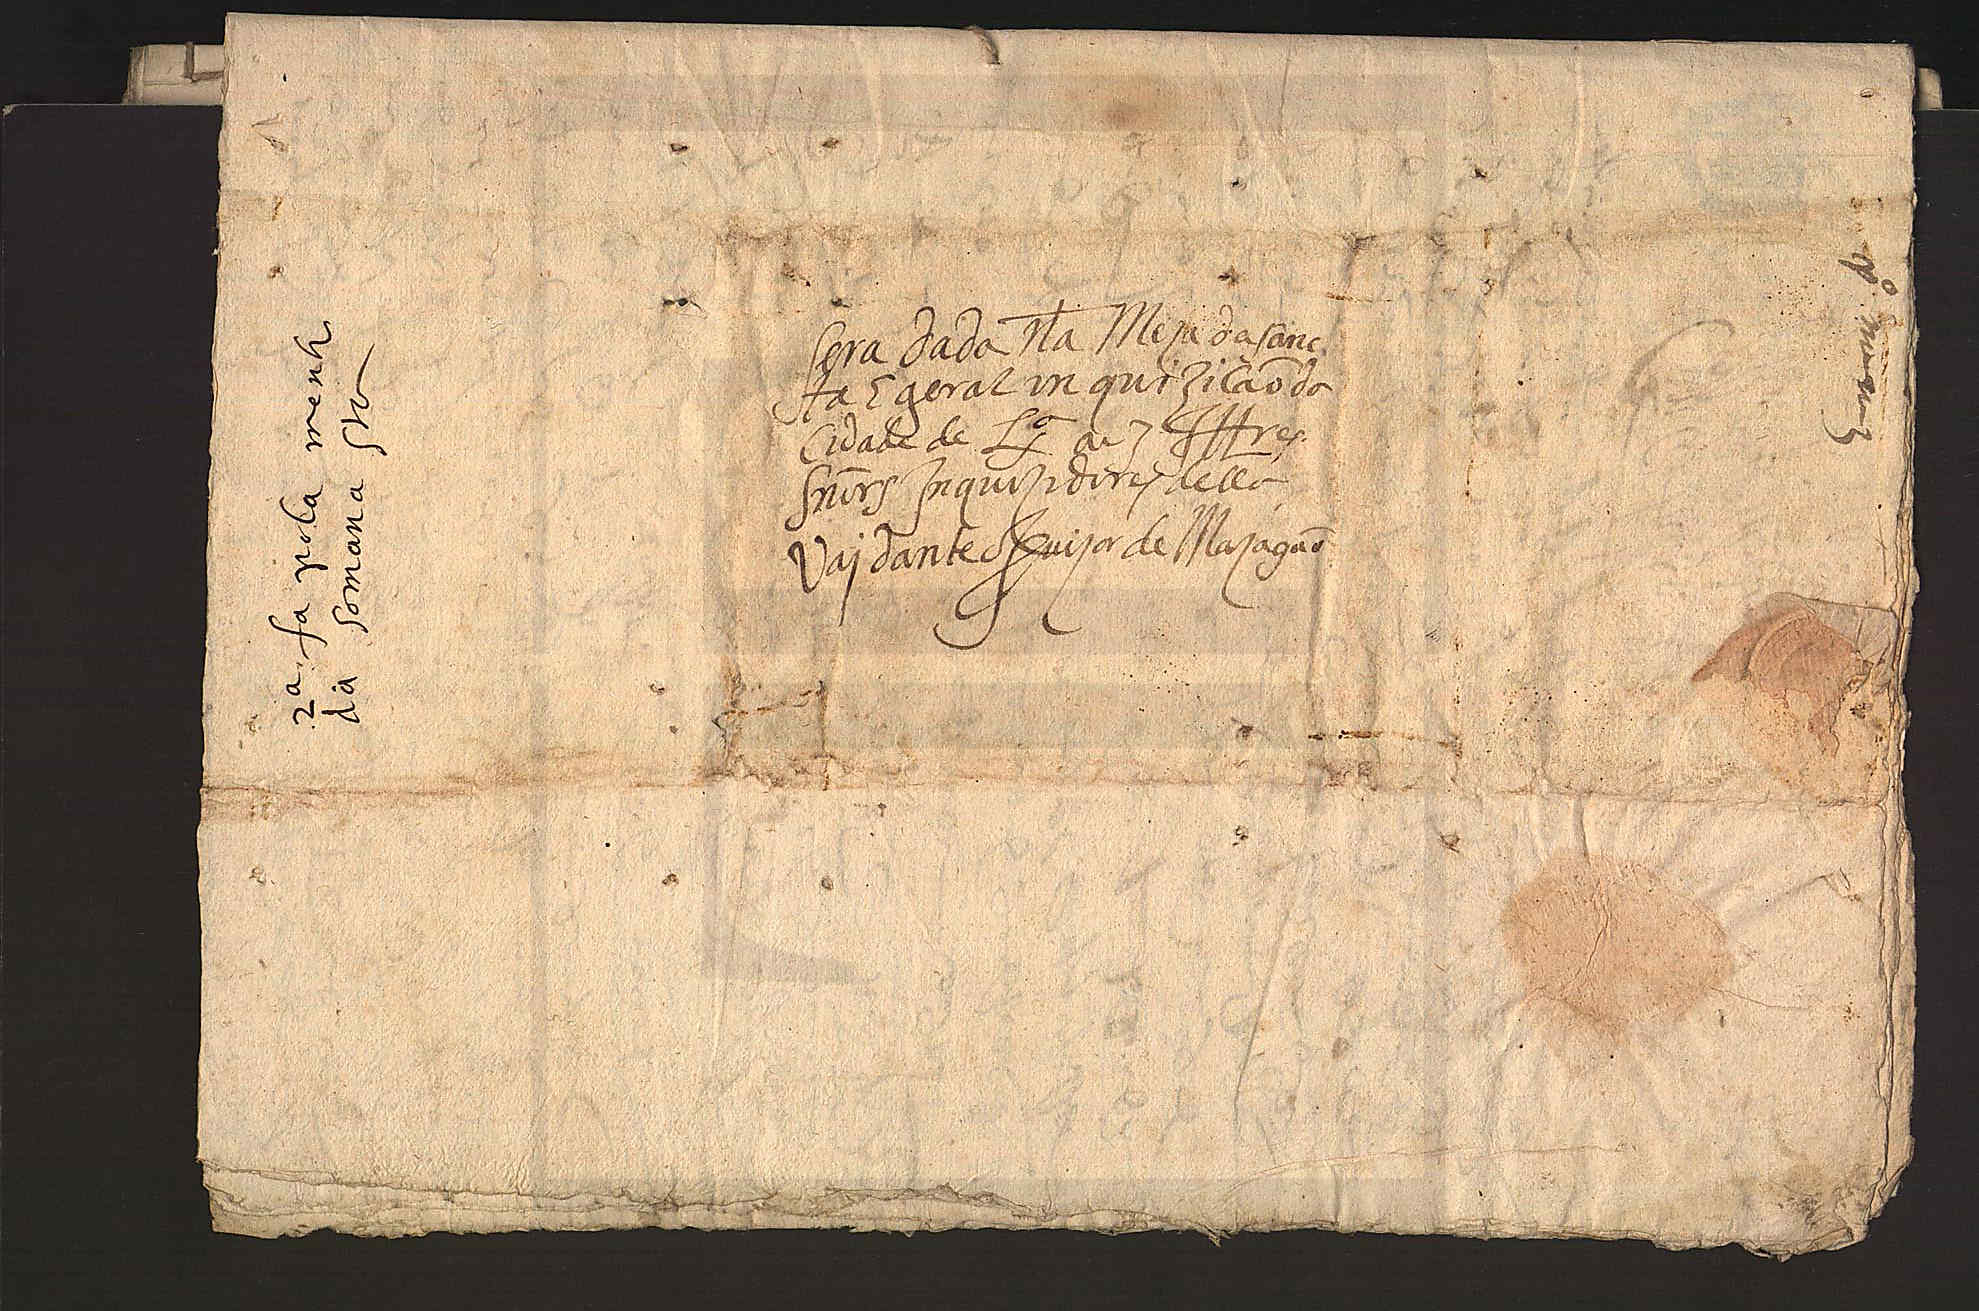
sera dada Na Meza da sanc
ta E geral inquiziçaõ da
Cidade de Lxa aos J̄lltres.
Snōrs Jnquizidores della
Vaj dante o Ꝓuizor de Mazagaõ
